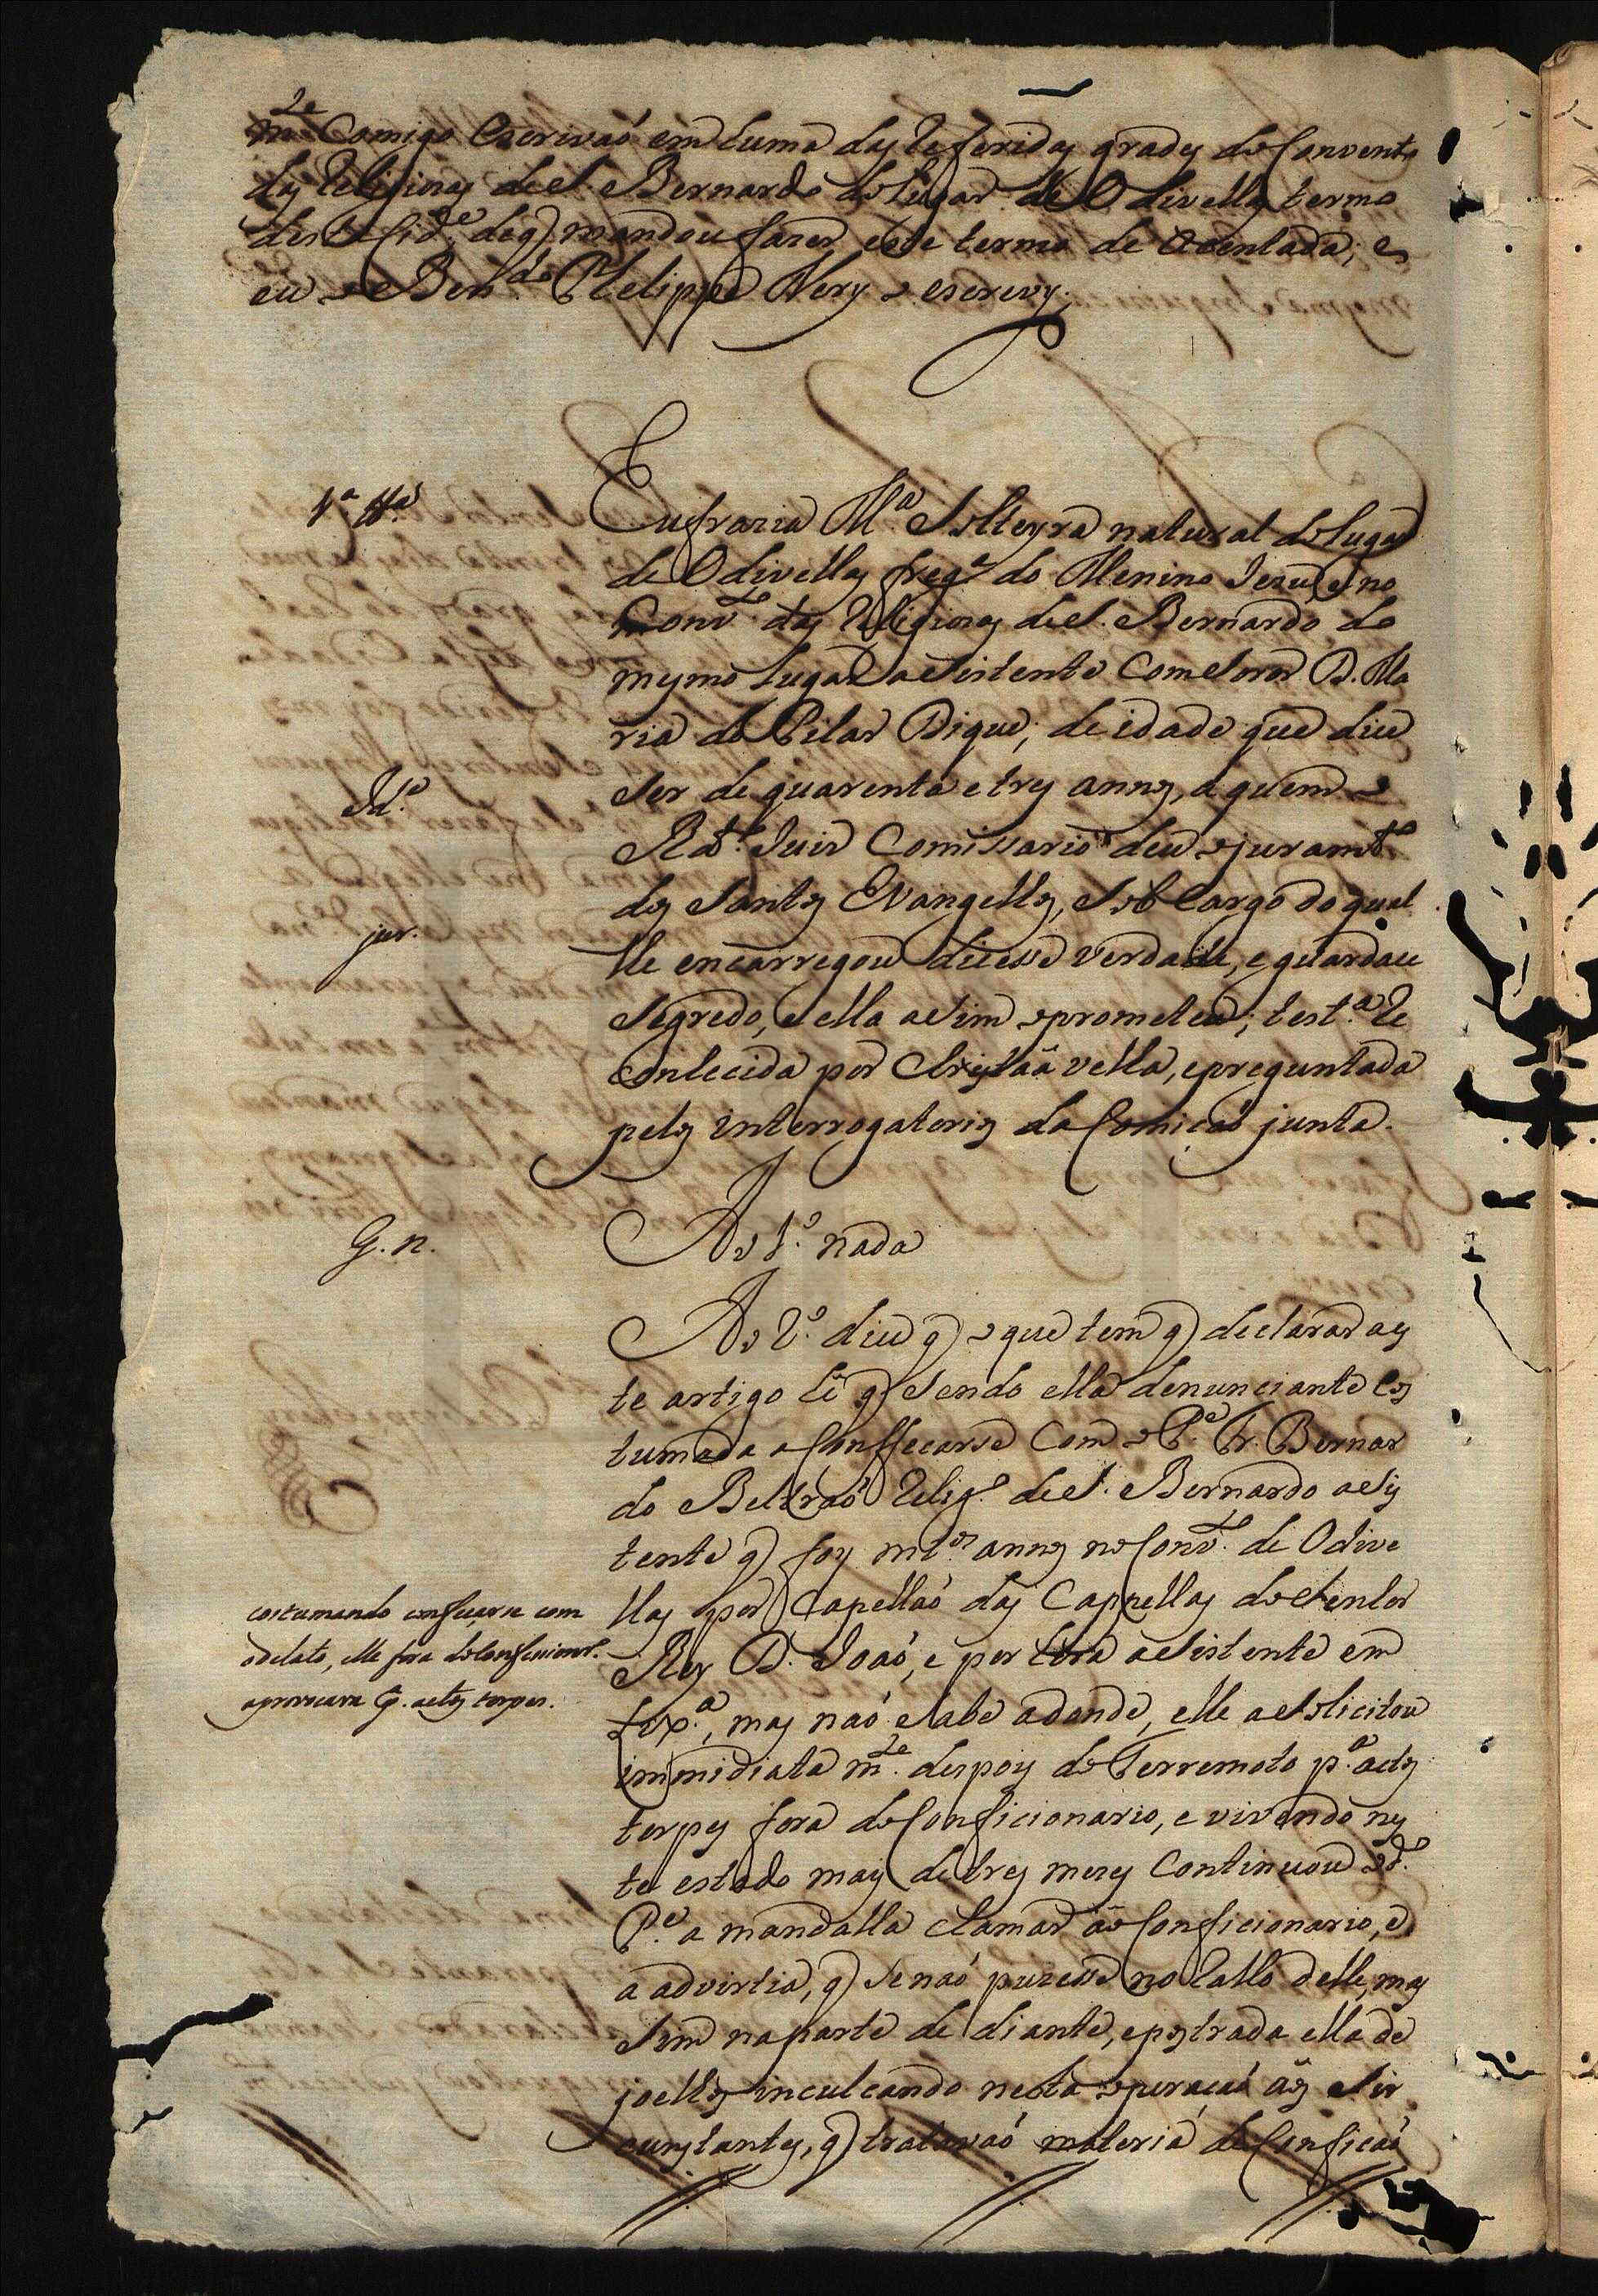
m.te comigo Escrivaõ em huma das Referidas grades do Convento
das Religiozas de S. Bernardo do Lugar de Odivellas termo
desta Cid.e de q̄ mandou fazer este termo de acentada; e
eu o Ben.do Phelippe Nery o escrevy.
1a. tt.a
Eufrazia M.a Solteyra natural do lugar
de Odivellas freg.a do Menino Jezu e no
Conv.to das Religiozas de S. Bernardo do
mesmo lugar aSistente com Soror D. Ma
ria do Pilar Dique; de idade que dice
ser de quarenta e tres annos, a quem o
Id.e
Rd.o Iuiz comissario deu o juramt.o
dos Santos Evangelhos, Sob cargo do qual
lhe encarregou dicesse verdade, e guardace
Segredo, e ella aSim o prometeu; test.a Re
conhecida por christaã velha, e preguntada
pelos interrogatorios da Comiçaõ junta
G.n.
Ao 1.o nada
Ao 2.o dice q̄ o que tem q̄ declarar a es
te artigo hê q̄ sendo ella denunciante cos
tumada a aConffecarse com o P.e Fr. Bernar
do Beltraõ Relig.o de S. Bernardo aSis
tente q̄ foy mt.os annos no Conv.to de Odive
llas por Capellaõ das Cappellas do Senhor
costumando confeçarse com
o delato, elle fora do confessionr.o
a provocara p.a actos torpes.
Rey D. Ioaõ, e por hora aSistente em
Lix.a., mas naõ sabe adonde, elle a Solicitou
immidiatam.te despois do Terremoto p.a actos
torpes fora do Conficionario, e vivendo nes
te estado mais de tres mezes continuou o d.o
P.e a mandalla chamar ao Conficionario, e
a advirtia, q̄ senaõ puzesse no Rallo delle, mas
Sim na parte de diante, e postrada ella de
joelhos inculcando nesta operaçaõ aôs Sir
cunstantes, q̄ tratavaõ materia da Conficaõ
